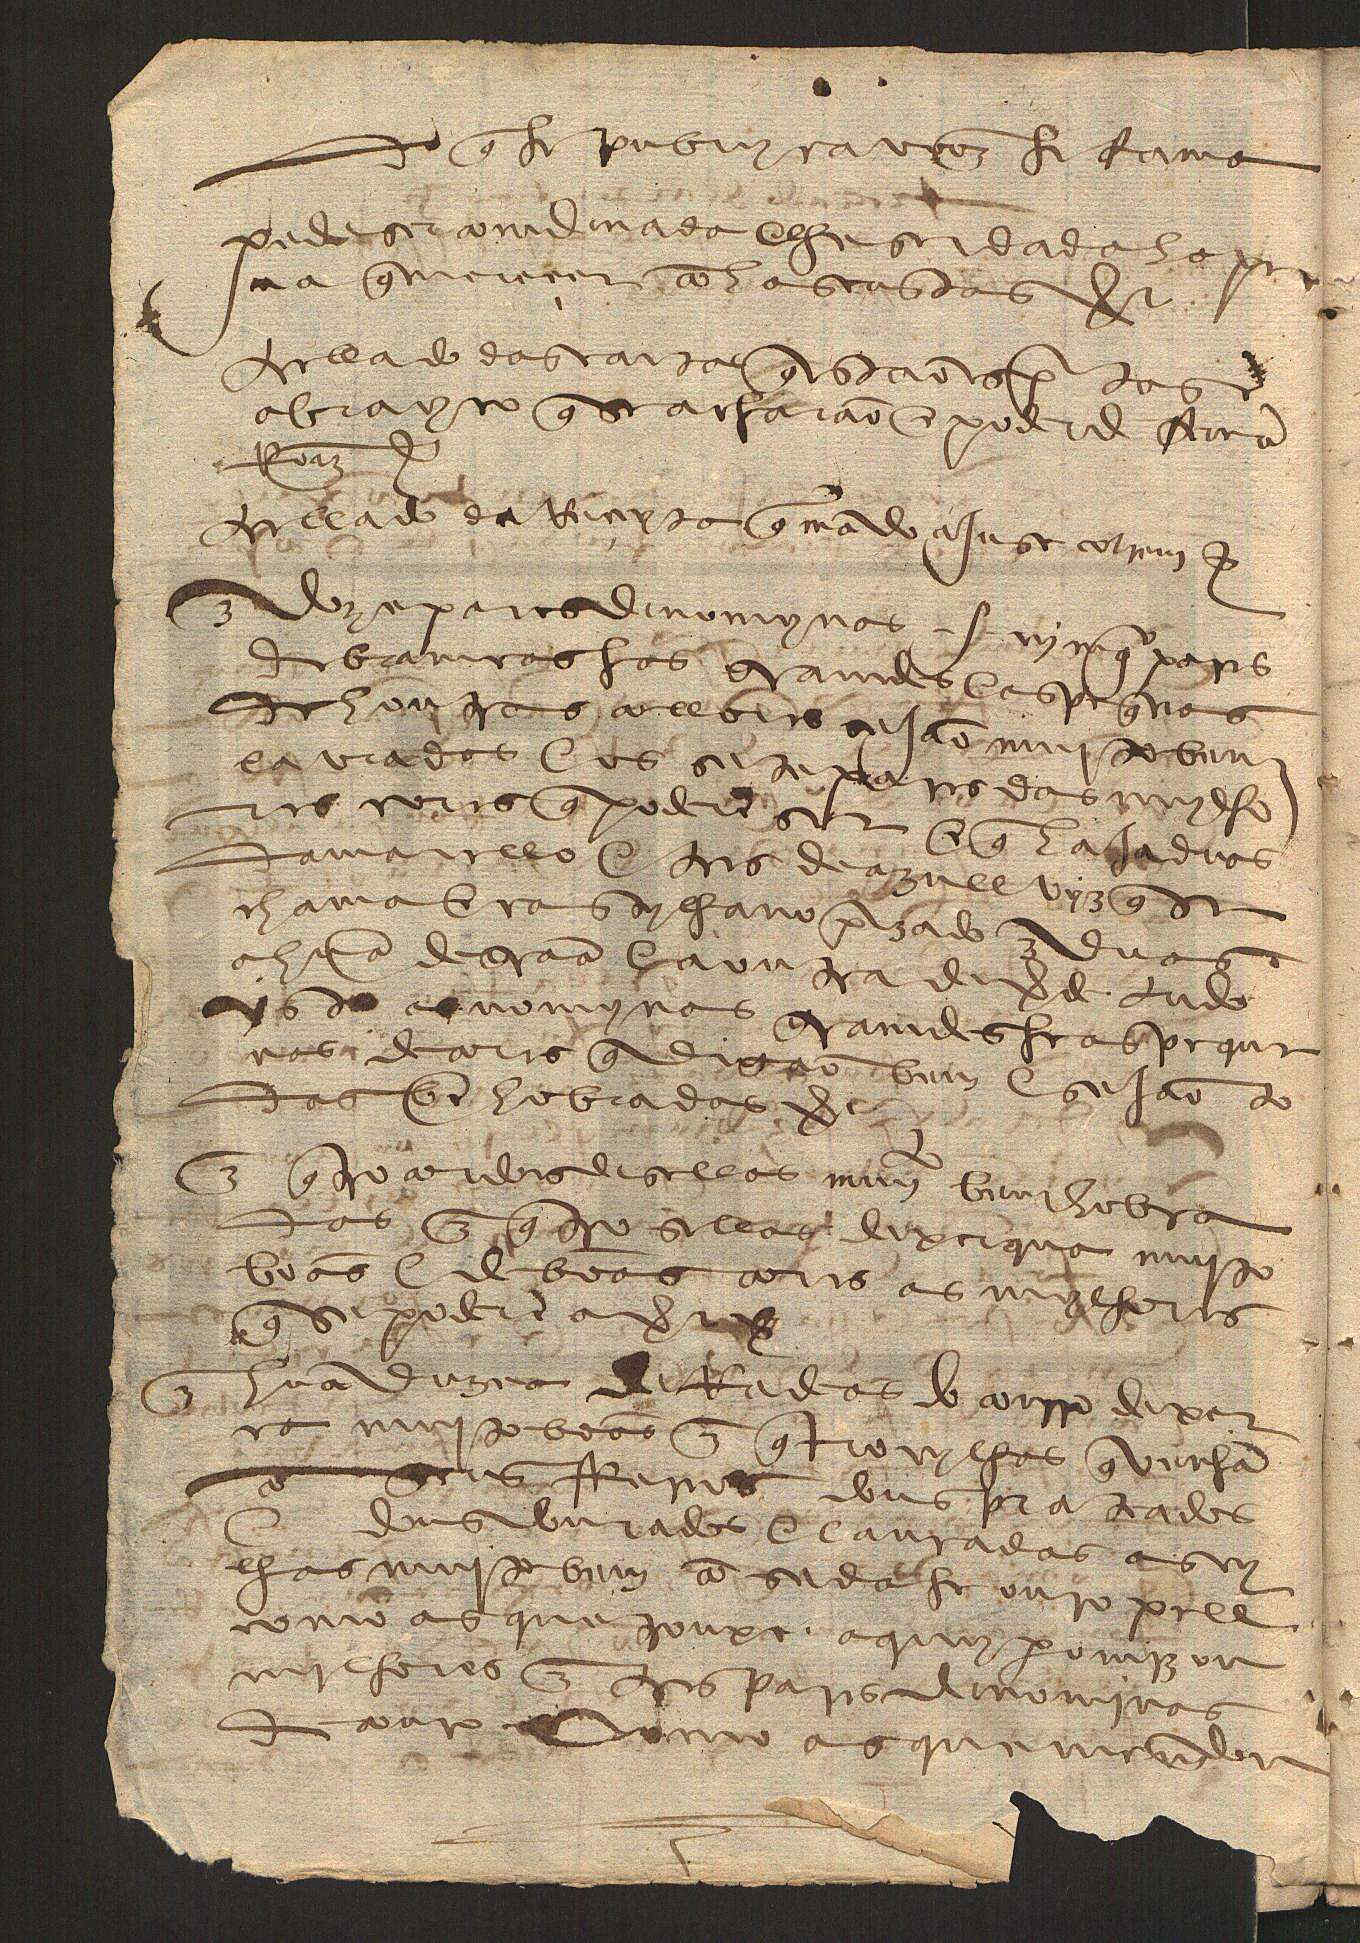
do q̄ he pubryca vooz he fama
pede ser comdenada e lhe ser dada ha pe
na q̄ merecer c̄o has custas
trellado das cartas q̄ estaõ esp̄tas ē
abrayco q̄ se acharão ē poder de fernā
Rōiz
trellado da Receyta q̄ mādo a Juse cohem
item doze pares de nomynas .s. cymqo pares
de bramcas has gramdes e as peq̄nas
de houtras collores seJão mujto bem
lavadas e os sete pares das mylho
res cores q̄ poderē ser ē q̄ haJa duas
damarello e tres de azull vyz q̄ se
chama ē castylhano p̄zado item duas
a hūa de graā e a outra de ꝟde tudo
ysto as nomynas gramdes he as peque
nas de cores q̄ digaõ bem e seJaõ to
das bē hobradas
item q̄tro cordoes de sellas muyto bem hobra
das item q̄tro sellas de xerqua mujto
boāas e de boās cores as mylhores
q̄ se poderē aꝟr
item huā duzea de Redeas do courro de xer
ca mujto boās item q̄tro cylhas q̄ venhā
c̄o seus ferros dous prateados
e dous dourados e lauradas as cy
lhas mujto bem c̄o seda he ouropell
como as que trouxe. aquy ꝑo mjz ou
mjlhores item tres pares de nomjnas
de couro Como as que me m̄dou
